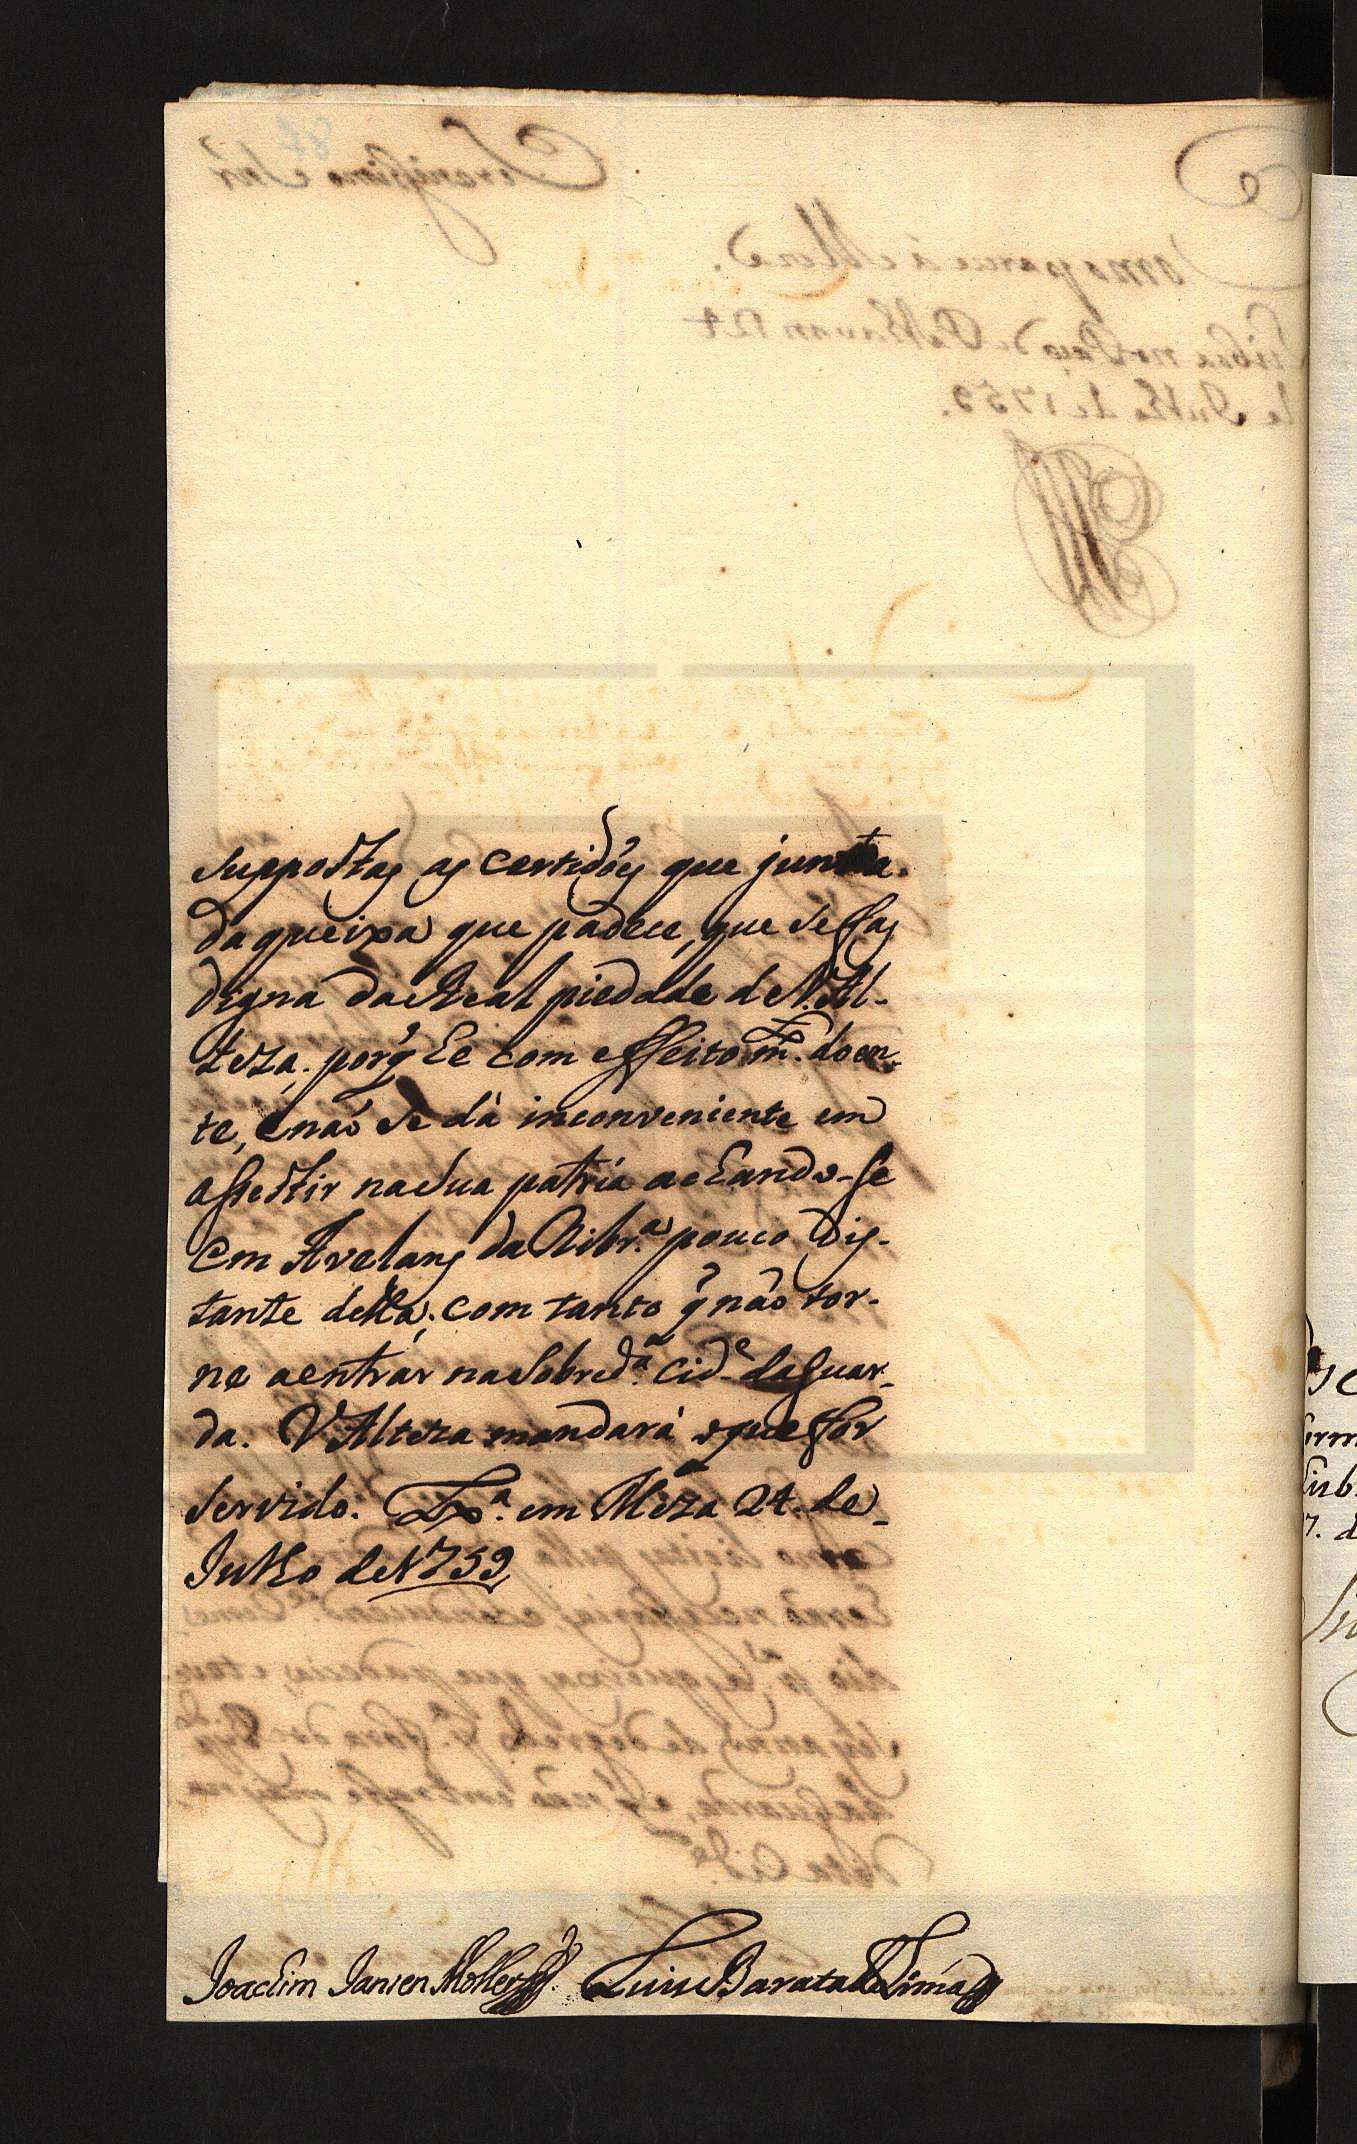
suppostas as certidões que junta.
da queixa que padece, que se fas
digna da Real piedade de V. Al
teza; porq̄ he com effeito m.to doen
te, e naõ se dá inconveniente en
assestir na sua patria achando-se
Em Avelans da Ribr.a pouco dis
tante della; comtanto q̄ não tor
ne a entrar na Sobred.a cid.e da Guar
da. V Alteza mandará o que for
servido. Lx.a em Meza 24. de
Iulho de 1759
Ioachim Iansen Moller Luiz Barata de Lima
